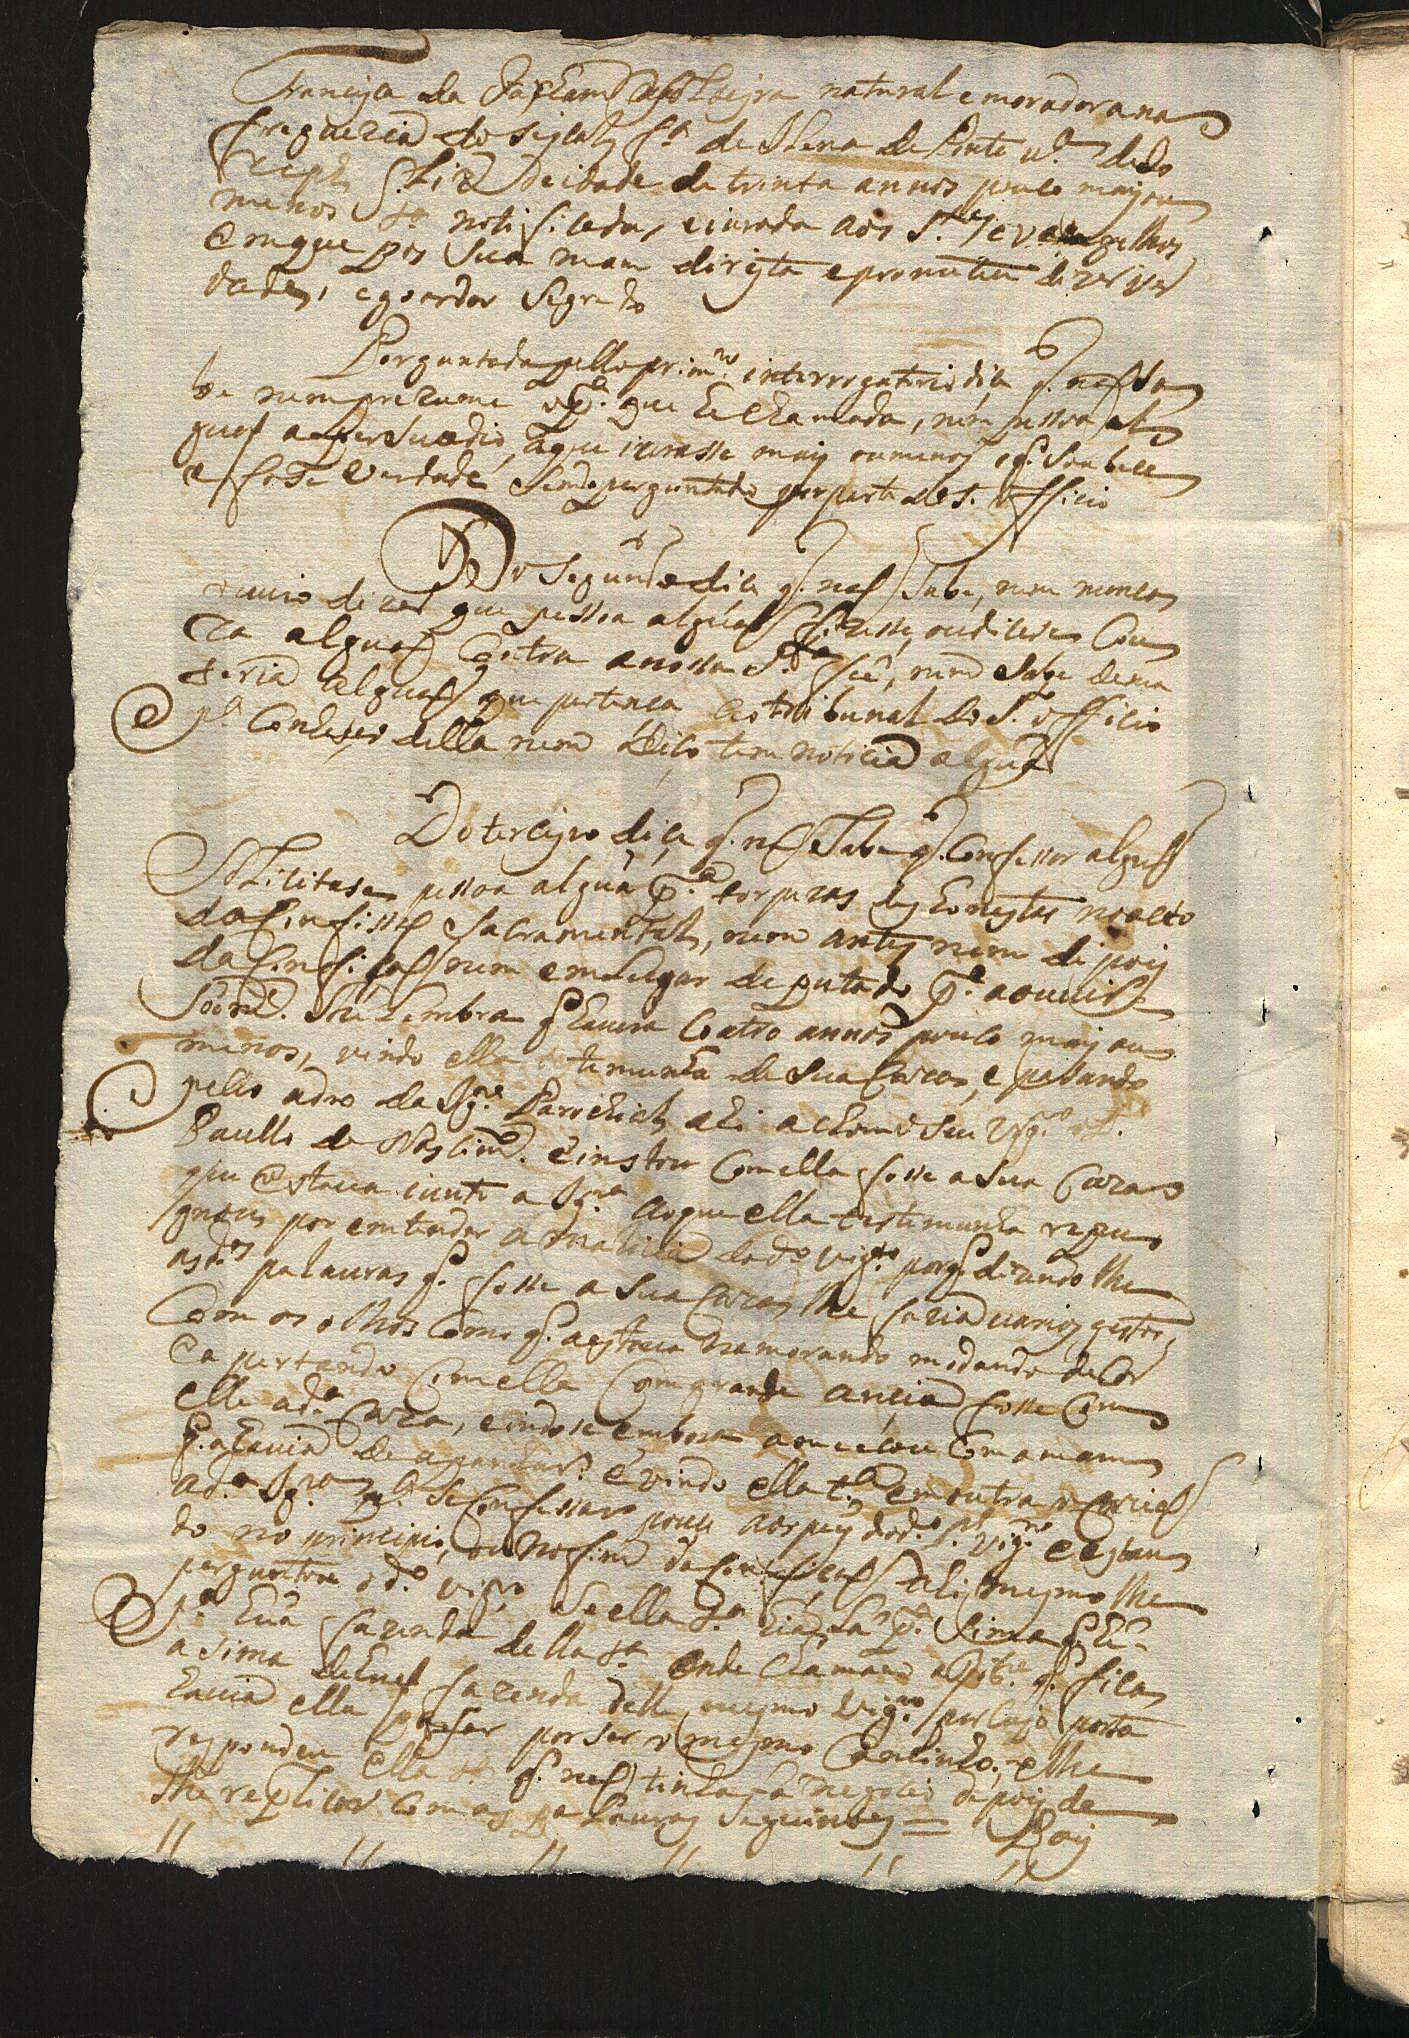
Francisca da Pacham soltejra natural e moradora na
freguezia do sejcal, f.a de Ilena de Ponte u.a de Io
zeph o.Liv̄ de idade de trinta annos pouco majs ou
menos t.a notificada, e iurada aos s.tos evangelhos
em que pos sua mam direjta e prometeu dizer ver
dade, e goardar Segredo
Perguntada pello prim.ro interrogatorio dice q̄. naõ sa
be nem prezume o p.a que he chamada, nem pessoa aL
guaꝭ a persuadio, a que iurasse mais ou menos o q̄. soubece
e fose verdade Sendo perguntado por parte do s. officio
Do segundo dice q̄. naꝭ sabe, nem nunca
ouuio dizer que pessoa algūaꝭ fizesse, ou dicese Cou
Za alguaꝭ Contra a nossa s.ta feé, nem sabe de ma
teria alguaꝭ que pertença ao tribunal do s.to officio
p.a Conheser della nem Diço tem noticia alguā
Do tercejro dice q̄. naꝭ Sabe q̄. Confessor alguꝭ
Solicitase pessoa alguā p.a torpezas deshonestas no acto
da Confissaꝭ sacramentaL, nem antes nem dipois
da Confiçaꝭ nem em Lugar deputado p.a a ouuir e
Sóomte. So se Lembra q̄ hauera Coatro annos pouco majs ou
menos, vindo ella testemunha de sua Caza, e pasando
pello adro da Ig.ra Parochial, ahi achou o seu Vig.ro o P.
Paullo do Nascim.to e instou Com ella fosse a sua Caza
que Estaua iunto a Ig.ra ao que ella testemunha repu
gnou por emtender a malicia do d.o vig.ro porq̄. dizendo lhe
as d.as palauras q̄. fosse a sua Caza lhe fazia uarios gestos
Com os olhos Como q̄. a estaua namorando modando de Cor
e apertando Com ella Com grande ancia fosse Com
elle a d.a Caza, e indose embora ameaçou Com a mam
q̄. a hauia de apanhar. e vindo ella t.a em outra oCaziaꝭ
a d.a Ig.ra p.a se Confessar posece aos peés do d.o p.e vig.ro e estan
do no principio, ou no fim da Confiçaꝭ ahi mesmo lhe
perguntou o d.o vigr.o Se elle t.a hia Lá p.a Sima q̄ hé
p.a huā fazenda della t.a onde chamam a Rib.ra q̄ fica
asima de huaꝭ fazenda delle mesmo Vig.ro por cujo porta
hauia ella pasar por ser o mesmo Caminho; e lhe
respondeu ella t.a q̄. naõ tinha Lá negocio depois de
lhe replicar com as palauras seguintes = Vay
